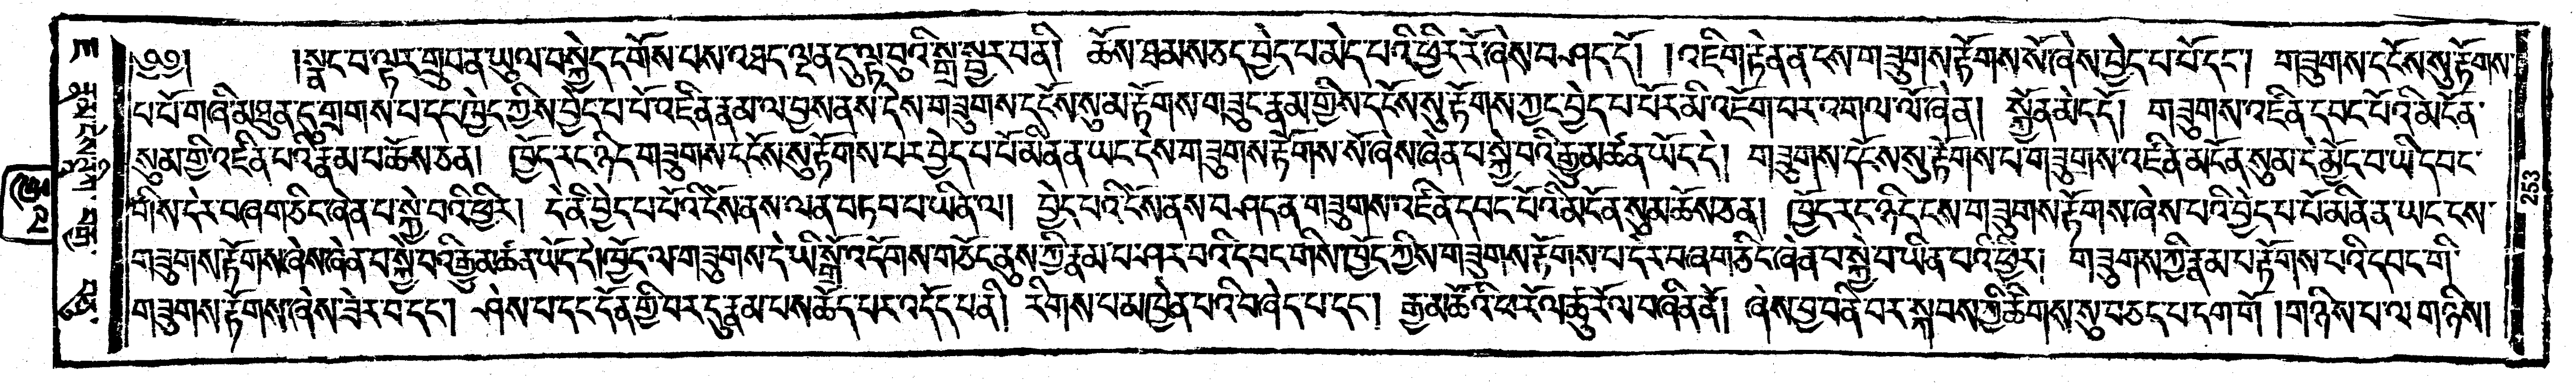༄༅། །སྣང་བ་ལྟར་གྲུབ་ན་ཡུལ་བསྐྱེད་དགོས་པས་འཐད་ལྡན་དུ་ལྟ་བུའི་སྒྲ་སྦྱར་བ་ནི། ཆོས་ཐམས་ཅད་བྱེད་པ་མེད་པའི་ཕྱིར་རོ་ཞེས་བཤད་དོ། །འཇིག་རྟེན་ན་ངས་གཟུགས་རྟོགས་སོ་ཞེས་བྱེད་པ་པོ་དང་། གཟུགས་དངོས་སུ་རྟོགས་
པ་པོ་གཞི་མཐུན་དུ་གྲགས་པ་དང་ཁྱེད་ཀྱིས་བྱེད་པ་པོ་འཛིན་རྣམ་ལ་བྱས་ནས་དེས་གཟུགས་དངོས་སུ་མ་རྟོགས་གཟུང་རྣམ་གྱིས་དངོས་སུ་རྟོགས་ཀྱང་བྱེད་པ་པོར་མི་འཇོག་པར་འགལ་ལོ་ཞེ་ན། སྐྱོན་མེད་དོ། གཟུགས་འཛིན་དབང་པོའི་མངོན་
སུམ་གྱི་འཛིན་པའི་རྣམ་པ་ཆོས་ཅན། ཁྱོད་རང་ཉིད་གཟུགས་དངོས་སུ་རྟོགས་པར་བྱེད་པ་པོ་མིན་ན་ཡང་དེས་གཟུགས་རྟོགས་སོ་ཞེས་ཞེན་པ་སྐྱེ་བའི་རྒྱུ་མཚན་ཡོད་དེ། གཟུགས་དངོས་སུ་རྟོགས་པ་གཟུགས་འཛིན་མངོན་སུམ་དེ་མྱོང་བ་ཡི་དབང་
གིས་དེར་བཞག་ཅིང་ཞེན་པ་སྐྱེ་བའི་ཕྱིར། དེ་ནི་བྱེད་པ་པོའི་ངོས་ནས་ལན་བཏབ་པ་ཡིན་ལ། བྱེད་པའི་ངོས་ནས་བཤད་ན་གཟུགས་འཛིན་དབང་པོའི་མངོན་སུམ་ཆོས་ཅན། ཁྱོད་རང་ཉིད་ངས་གཟུགས་རྟོགས་ཞེས་པའི་བྱེད་པ་པོ་མིན་ན་ཡང་ངས་
གཟུགས་རྟོགས་ཞེས་ཞེན་པ་སྐྱེ་བའི་རྒྱུ་མཚན་ཡོད་དེ། ཁྱོད་ལ་གཟུགས་དེ་ཡི་སྒྲོ་འདོགས་གཅོད་ནུས་ཀྱི་རྣམ་པ་ཤར་བའི་དབང་གིས་ཁྱོད་ཀྱིས་གཟུགས་རྟོགས་པ་དེར་བཞག་ཅིང་ཞེན་པ་སྐྱེ་བ་ཡིན་པའི་ཕྱིར། གཟུགས་ཀྱི་རྣམ་པ་རྟོགས་པའི་དབང་གི་
གཟུགས་རྟོགས་ཞེས་ཟེར་བ་དང་། ཤེས་པ་དང་དོན་གྱི་བར་དུ་རྣམ་པས་ཆོད་པར་འདོད་པ་ནི། རིགས་པ་མཁྱེན་པའི་བཞེད་པ་དང་། རྒྱ་མཚོའི་ཕ་རོལ་ཚུ་རོལ་བཞིན་ནོ། ཞེས་བྱ་བ་ནི་བར་སྐབས་ཀྱི་ཚིགས་སུ་བཅད་པ་དག་གོ །གཉིས་པ་ལ་གཉིས།